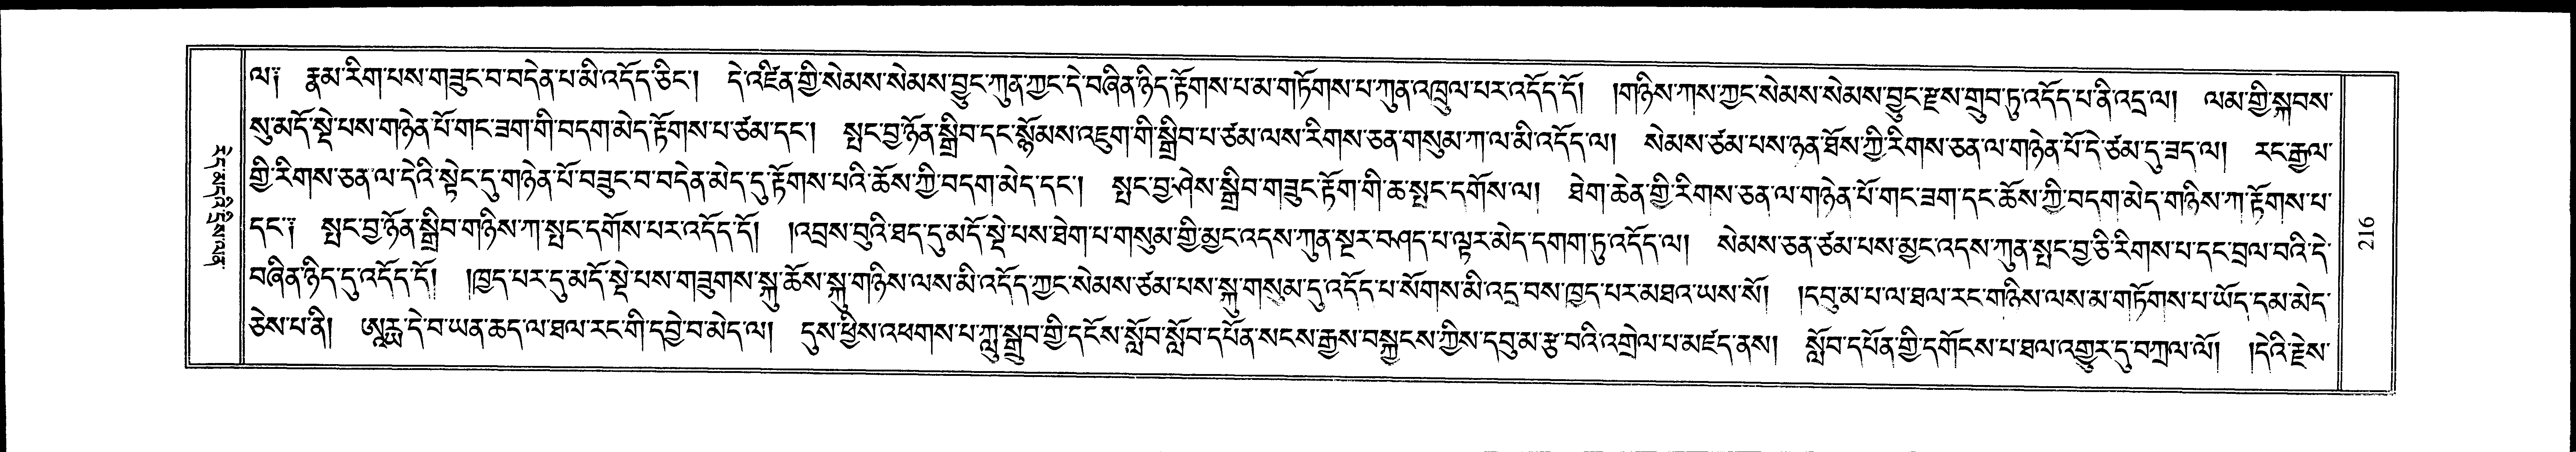ལ། རྣམ་རིག་པས་གཟུང་བ་བདེན་པ་མི་འདོད་ཅིང་། དེ་འཛིན་གྱི་སེམས་སེམས་བྱུང་ཀུན་ཀྱང་དེ་བཞིན་ཉིད་རྟོགས་པ་མ་གཏོགས་པ་ཀུན་འཁྲུལ་པར་འདོད་དོ། །གཉིས་ཀས་ཀྱང་སེམས་སེམས་བྱུང་རྫས་གྲུབ་ཏུ་འདོད་པ་ནི་འདྲ་ལ། ལམ་གྱི་སྐབས་
སུ་མདོ་སྡེ་པས་གཉེན་པོ་གང་ཟག་གི་བདག་མེད་རྟོགས་པ་ཙམ་དང་། སྤང་བྱ་ཉོན་སྒྲིབ་དང་སྙོམས་འཇུག་གི་སྒྲིབ་པ་ཙམ་ལས་རིགས་ཅན་གསུམ་ཀ་ལ་མི་འདོད་ལ། སེམས་ཙམ་པས་ཉན་ཐོས་ཀྱི་རིགས་ཅན་ལ་གཉེན་པོ་དེ་ཙམ་དུ་ཟད་ལ། རང་རྒྱལ་
གྱི་རིགས་ཅན་ལ་དེའི་སྟེང་དུ་གཉེན་པོ་བཟུང་བ་བདེན་མེད་དུ་རྟོགས་པའི་ཆོས་ཀྱི་བདག་མེད་དང་། སྤང་བྱ་ཤེས་སྒྲིབ་གཟུང་རྟོག་གི་ཆ་སྤང་དགོས་ལ། ཐེག་ཆེན་གྱི་རིགས་ཅན་ལ་གཉེན་པོ་གང་ཟག་དང་ཆོས་ཀྱི་བདག་མེད་གཉིས་ཀ་རྟོགས་པ་
དང་། སྤང་བྱ་ཉོན་སྒྲིབ་གཉིས་ཀ་སྤང་དགོས་པར་འདོད་དོ། །འབྲས་བུའི་ཐད་དུ་མདོ་སྡེ་པས་ཐེག་པ་གསུམ་གྱི་མྱང་འདས་ཀུན་སྔར་བཤད་པ་ལྟར་མེད་དགག་ཏུ་འདོད་ལ། སེམས་ཅན་ཙམ་པས་མྱང་འདས་ཀུན་སྤང་བྱ་ཅི་རིགས་པ་དང་བྲལ་བའི་དེ་
བཞིན་ཉིད་དུ་འདོད་དོ། །ཁྱད་པར་དུ་མདོ་སྡེ་པས་གཟུགས་སྐུ་ཆོས་སྐུ་གཉིས་ལས་མི་འདོད་ཀྱང་སེམས་ཙམ་པས་སྐུ་གསུམ་དུ་འདོད་པ་སོགས་མི་འདྲ་བས་ཁྱད་པར་མཐའ་ཡས་སོ། །དབུ་མ་པ་ལ་ཐལ་རང་གཉིས་ལས་མ་གཏོགས་པ་ཡོད་དམ་མེད་
ཅེས་པ་ནི། ཨཱརྱ་དེ་བ་ཡན་ཆད་ལ་ཐལ་རང་གི་དབྱེ་བ་མེད་ལ། དུས་ཕྱིས་འཕགས་པ་ཀླུ་སྒྲུབ་གྱི་དངོས་སློབ་སློབ་དཔོན་སངས་རྒྱས་བསྐྱངས་ཀྱིས་དབུ་མ་རྩ་བའི་འགྲེལ་པ་མཛད་ནས། སློབ་དཔོན་གྱི་དགོངས་པ་ཐལ་འགྱུར་དུ་བཀྲལ་ལོ། །དེའི་རྗེས་